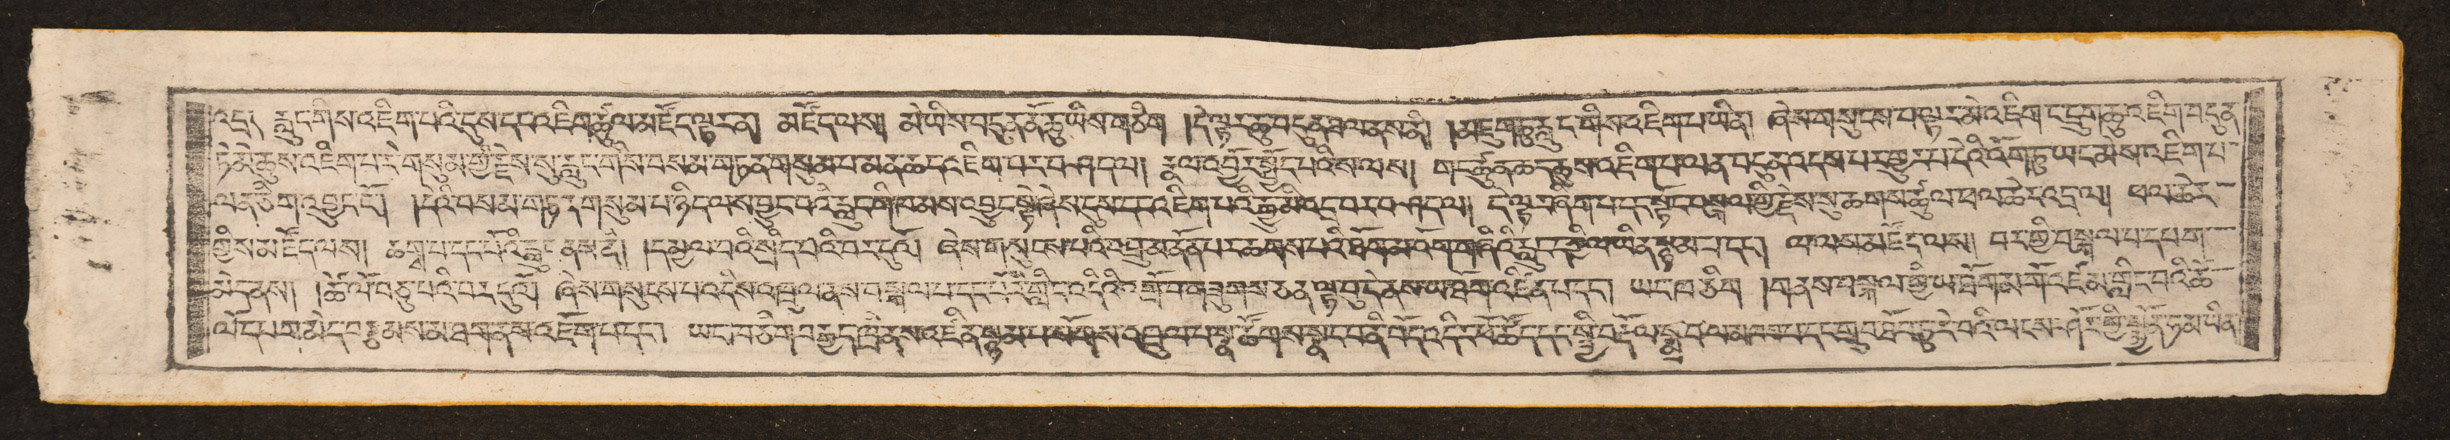འདྲ། རླུང་གིས་འཇིག་པའི་དུས་དང་འཇིག་ཚུལ་མཛོད་ལྟར་ན། མཛོད་ལས། མེ་ཡིས་བདུར་ནོ་ཆུ་ཡིས་གཅིག །དེ་ལྟར་ཆུ་བདུན་ཐལ་ནས་ནི། །མཇུག་ཏུ་རླུང་གིས་འཇིག་པ་ཡིན། ཞེས་གསུངས་པ་ལྟར་མེ་འཇི་གང་དྲུག་ཆུ་འཇིག་བདུན་
ཏེ་མེ་ཆུས་འཇིག་པ་རེ་གསུམ་གྱི་རྗེས་སུ་རླུང་གིས་བསམ་གཏན་གསུམ་པ་མན་ཆད་འཇིག་པར་བཤད་ལ། རྣལ་འབྱོར་སྤྱོད་པའི་ས་ལས། གང་ཚུན་ཆད་ཆུས་འཇིག་པ་ལན་བདུན་འདས་པར་གྱུར་པ་དེའི་འོག་ཏུ་ཡང་མིས་འཇིག་པ་
ལན་ཅིག་འབྱུང་ངོ། །དེའི་བསམ་གཏན་གསུམ་པ་ཉིད་ལས་བྱུང་བའི་རླུང་གི་ཁམས་འབྱུང་སྟེ་ཞེས་དུས་དང་འཇིག་པའི་རྒྱུ་མི་འདྲ་བར་བཤད་ལ། དེ་ལྟར་ཞིག་པ་དང་སྟོང་བསྐལ་གྱི་རྗེས་སུ་ཆགས་ཚུལ་ཕལ་ཆེར་འདྲ་ལ། ཕལ་ཆེར་
གྱིས་མཇོད་ལས། ཆགས་པ་དང་པོའི་རླུང་ནས་ནི། །དམྱལ་བའི་སྲིད་པའི་བར་དུའོ། ཞེས་གསུངས་པའི་འབྲུ་མནོན་པར་ཆགས་པའི་ཐོག་མ་འོག་གཞིའི་རླུང་དཀྱིལ་ཡིན་སྙམ་པ་དང་། ལ་ལས་མཛོད་ལས། བར་གྱི་བསྐལ་པ་དཔག་
མེད་ནས། །ཚེ་ལོ་བཅུ་པའི་བར་དུའོ། ཞེས་གསུངས་པ་འདིས་འཁྲུལ་ནས་བསྐལ་པ་དང་པོའི་གླིང་འདིའི་འགྲོ་བ་གཟུགས་ཅན་ལྟ་བུ་དེ་ནས་ཡ་ཐོག་འཛིན་པ་དང་། ཡང་ཁ་ཅིག །གནས་བསྐལ་གྱི་ཡ་ཐོག་མགོ་འཛམ་གླིང་བའི་ཆོ་
ལོ་དཔག་མེད་བརྩམས་མ་ཐག་ནས་འཇོག་པ་དང་། ཡང་ཁ་ཅིག་བརྒྱད་ཁྲི་ནས་འཛིན་སྙམ་པ་སོགས་འཁྲུལ་པ་སྣ་ཚོགས་སྣང་བ་ནི་བོད་འདིར་ཕོ་ཚོད་དང་སྤྱི་བརྡོལ་སྨྲ་བ་ལ་མཁས་པ་དང་གྲུབ་ཐོབ་ཏུ་རི་བའི་ལངས་ཤོར་གྱི་སྨྱོན་ཧ་མ་ཡིན་